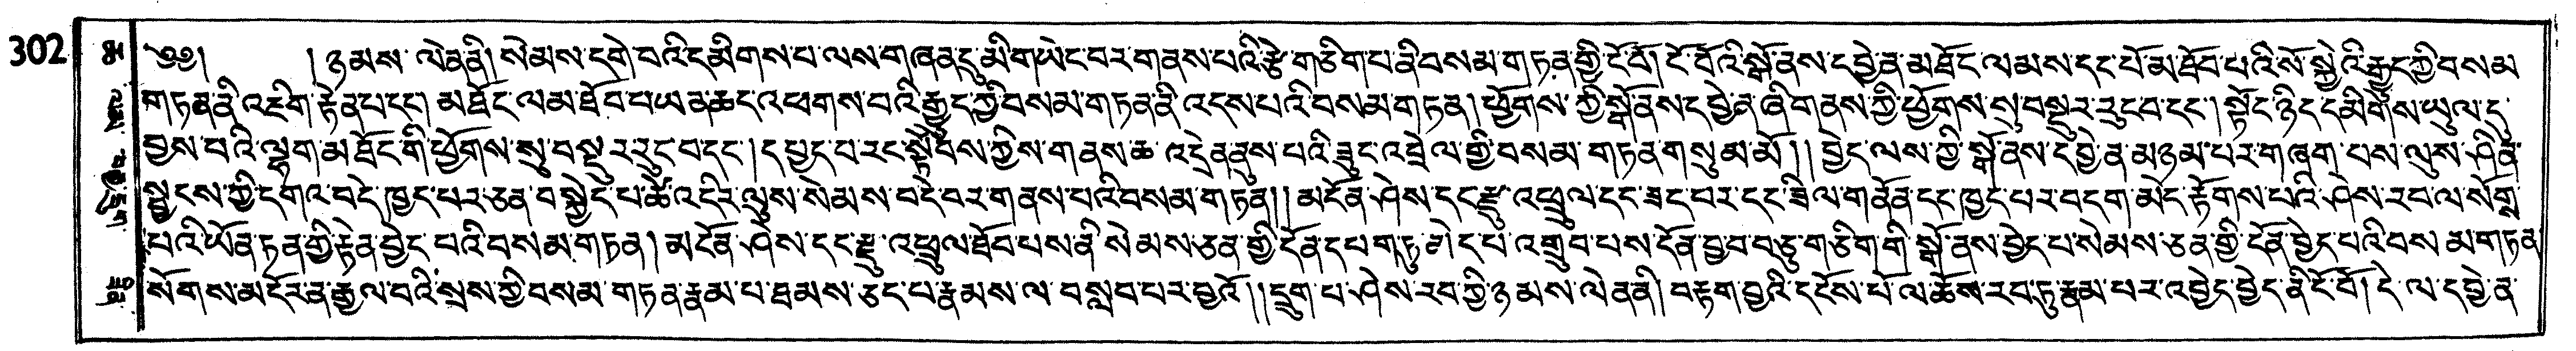༄༅། །ཉམས་ལེན་ནི། སེམས་དགེ་བའི་དམིགས་པ་ལས་གཞན་དུ་མི་གཡེང་བར་གནས་པའི་རྩེ་གཅིག་པ་ནི་བསམ་གཏན་གྱི་ངོ་བོ། ངོ་བོའི་སྒོ་ནས་དབྱེ་ན་མཐོང་ལམས་དང་པོ་མ་ཐོབ་པའི་སོ་སྐྱེའི་རྒྱུད་ཀྱི་བསམ་
གཏན་ནི་འཇིག་རྟེན་པ་དང་། མཐོང་ལམ་ཐོབ་པ་ཡན་ཆད་འཕགས་པའི་རྒྱུད་ཀྱི་བསམ་གཏན་ནི་འདས་པའི་བསམ་གཏན། ཕྱོགས་ཀྱི་སྒོ་ནས་དབྱེ་ན་ཞི་གནས་ཀྱི་ཕྱོགས་སུ་བསྡུར་རུང་བ་དང་། སྟོང་ཉིད་དམིགས་ཡུལ་དུ་
བྱས་པའི་ལྷག་མཐོང་གི་ཕྱོགས་སུ་བསྡུར་རུང་བ་དང་། དཔྱད་པ་རང་སྟོབས་ཀྱིས་གནས་ཆ་འདྲེན་ནུས་པའི་ཟུང་འབྲེལ་གྱི་བསམ་གཏན་གསུམ་མོ། །བྱེད་ལས་ཀྱི་སྒོ་ནས་དབྱེ་ན་མཉམ་པར་གཞག་པས་ལུས་ཤིན་
སྦྱངས་ཀྱི་དགའ་བདེ་ཁྱད་པར་ཅན་བསྐྱེད་པ་ཚེ་འདིར་ལུས་སེམས་བདེ་བར་གནས་པའི་བསམ་གཏན། །མངོན་ཤེས་དང་རྫུ་འཕྲུལ་དང་ཟད་བར་དང་ཟིལ་གནོན་དང་ཁྱད་པར་བདག་མེད་རྟོགས་པའི་ཤེས་རབ་ལ་སོགས་
པའི་ཡོན་ཏན་གྱི་རྟེན་བྱེད་པའི་བསམ་གཏན། མངོན་ཤེས་དང་རྫུ་འཕྲུལ་ཐོབ་པས་ནི་སེམས་ཅན་གྱི་དོན་དཔག་ཏུ་མེད་པ་འགྲུབ་པས་དོན་བྱ་བ་བཅུ་གཅིག་གི་སྒོ་ནས་བྱེད་པ་སེམས་ཅན་གྱི་དོན་བྱེད་པའི་བསམ་གཏན་
སོགས་མདོར་ན་རྒྱལ་བའི་སྲས་ཀྱི་བསམ་གཏན་རྣམ་པ་ཐམས་ཅད་པ་རྣམས་ལ་བསླབ་པར་བྱའོ། །དྲུག་པ་ཤེས་རབ་ཀྱི་ཉམས་ལེན་ནི། བརྟག་བྱའི་དངོས་པོ་ལ་ཆོས་རབ་ཏུ་རྣམ་པར་འབྱེད་བྱེད་ནི་ངོ་བོ། །དེ་ལ་དབྱེ་ན་